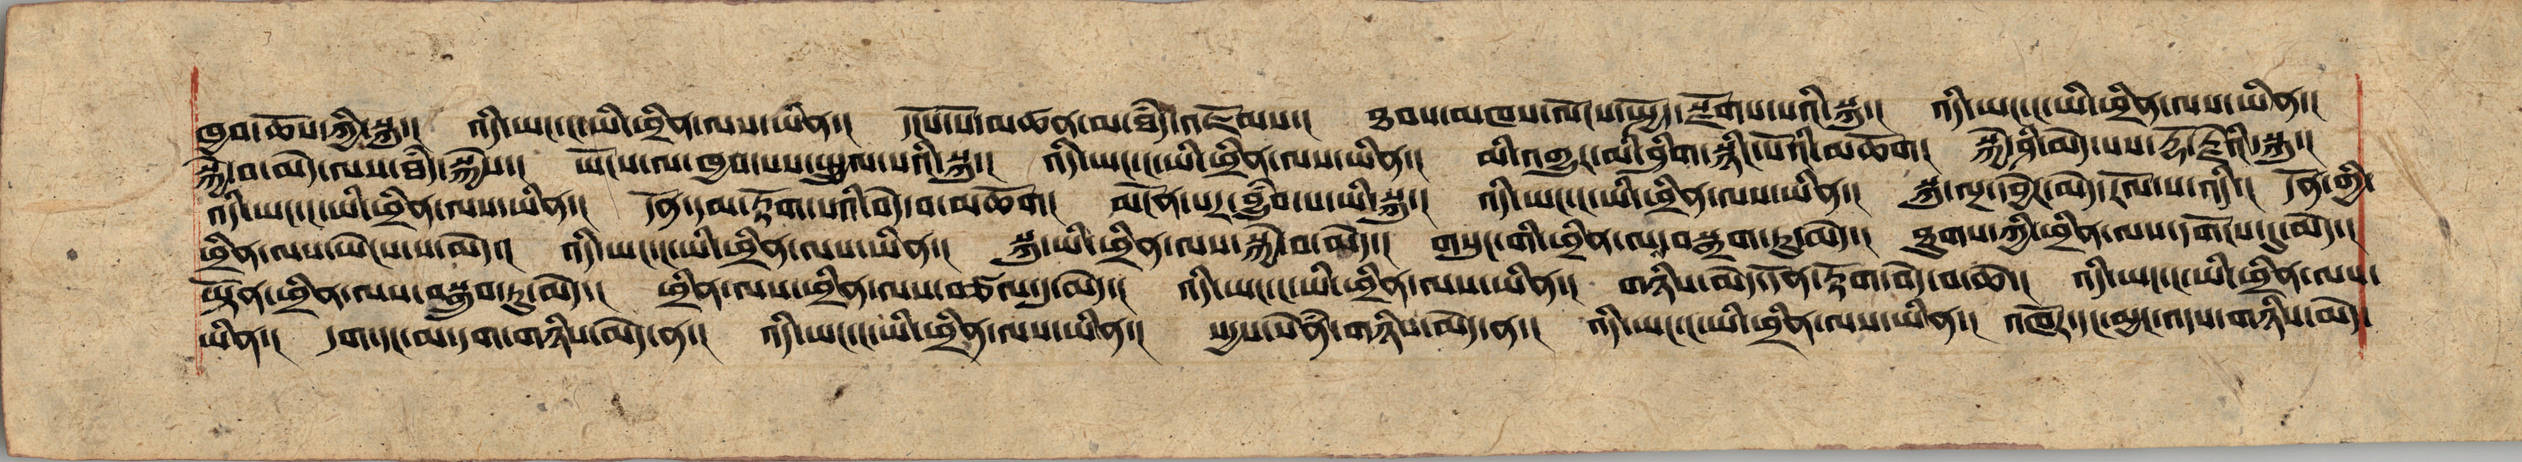ཁྱབ་ཆོས་ཀྱི་སྐུ་། འདི་ཡང་ང་ཡི་ཕྲིན་ལས་ཡིན་། དངོས་པོ་མཚན་མ་ཐཾད་འཇོམས་། ཐབས་མཁས་ལོངས་སྤྱོད་སྫོགས་་པའི་སྐུ་། འདི་ཡང་ང་ཡི་ཕྲིན་ལས་ཡིན་།
སྐྱེ་བ་མེད་ལས་ཐཾད་སྐྱེས་། ཡོངས་ལ་ཁྱབ་པས་སྤྲུལ་པའི་སྐུ་། འདི་ཡང་ང་ཡི་ཕྲིན་ལས་ཡིན་། མི་འགྱུར་མི་ཤིག་སྙིང་པོའི་མཆོག། སྐྱེ་ཤི་མེད་པས་རྡོ་རྗེའི་སྐུ་།
འདི་ཡང་ང་ཡི་ཕྲིན་ལས་ཡིན་། དོན་དམ་རྟོག་པའི་བདེ་བ་མཆོག། མངོན་པར་བྱུཾབ་པ་ཡི་སྐུ་། འདི་ཡང་ང་ཡི་ཕྲིན་ལས་ཡིན་། སྐུ་ལྔ་དབྱེར་མེད་རོལ་པ་འདི་། དོན་གྱི་
ཕྲིན་ལས་ཡེངས་པ་མེད་། འདི་ཡང་ང་ཡི་ཕྲིན་ལས་ཡིན་། སྐུ་ཡི་ཕྲིན་ལས་སྐྱེ་བ་མེད་། གསུང་གི་ཕྲིན་ལས་བསྒྲག་ཏུ་མེད་། ཐུགས་ཀྱི་ཕྲིན་ལས་དགོངས་དུ་མེད་།
ཡྟོན་ཕྲིན་ལས་བསྒྲུབ་ཏུ་མེད་། ཕྲིན་ལས་ཕྲིན་ལས་བཙལ་དུ་མེད་། འདི་ཡང་ང་ཡི་ཕྲིན་ལས་ཡིན་། གཉིས་མེད་དོན་རྟོག་བདེ་བ་ཆེ་། འདི་ཡང་ང་ཡི་ཕྲིནལས་
ཡིན་། དག་དང་མ་དག་གཉིས་མེད་ན་། འདི་ཡང་ང་ཡི་ཕྲིན་ལས་ཡིན་། སདྱས་སེཾན་གཉིས་མེད་ན་། འདི་ཡང་ང་ཡི་ཕྲིན་ལས་ཡིན་། འཁོར་དང་མྱང་འདས་གཉིས་མེད་